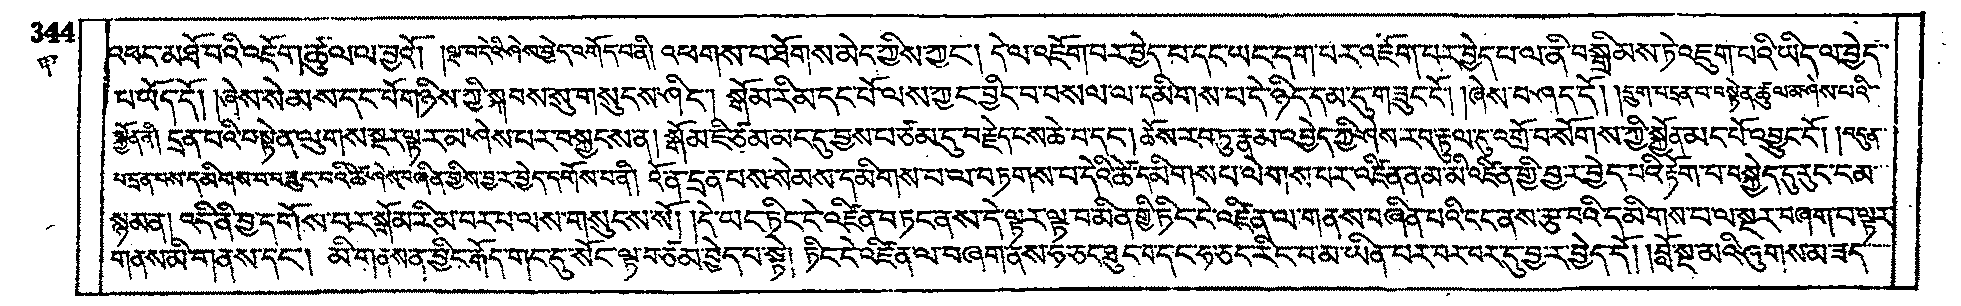འཕང་མཐོ་བའི་འཇོག་ཚུལ་ལ་བྱའོ། །ལྔ་བ་དེའི་ཤེས་བྱེད་འགོད་པ་ནི།  འཕགས་པ་ཐོགས་མེད་ཀྱིས་ཀྱང་། དེ་ལ་འཇོག་པར་བྱེད་པ་དང་ཡང་དག་པར་འཇོག་པར་བྱེད་པ་ལ་ནི་བསྒྲིམས་ཏེ་འཇུག་པའི་ཡིད་ལ་བྱེད་
པ་ཡོད་དོ། །ཞེས་སེམས་དང་པོ་གཉིས་ཀྱི་སྐབས་སུ་གསུངས་ཤིང་། སྒོམ་རིམ་དང་པོ་ལས་ཀྱང་བྱིང་བ་བསལ་ལ་དམིགས་པ་དེ་ཉིད་དམ་དུ་གཟུང་ངོ། །ཞེས་བཤད་དོ། །དྲུག་པ་དྲན་པ་བསྟེན་ཚུལ་མ་ཤེས་པའི་
སྐྱོན་ནི། དྲན་པའི་བསྟེན་ལུགས་སྔར་ལྟར་མ་ཤེས་པར་བསྐྱངས་ན། སྒོམ་ཇི་ཙམ་མང་དུ་བྱས་པ་ཙམ་དུ་བརྗེད་ངས་ཆེ་བ་དང་། ཆོས་རབ་ཏུ་རྣམ་འབྱེད་ཀྱི་ཤེས་རབ་རྟུལ་དུ་འགྲོ་བ་སོགས་ཀྱི་སྐྱོན་མང་པོ་འབྱུང་ངོ། འབྡུན་
པ་དྲན་པས་དམིགས་པ་བཟུང་བའི་ཚེ་ཤེས་བཞིན་གྱིས་བྱ་ར་བྱེད་དགོས་པ་ནི། འོ་ན་དྲན་པས་སེམས་དམིགས་པ་ལ་བཏགས་པ་དེའི་ཚེ་དམིགས་པ་ལེགས་པར་འཛིན་ན་མ་མི་འཛིན་གྱི་བྱ་ར་བྱེད་པའི་རྟོག་པ་བསྐྱེད་དུ་རུང་ངམ་
སྙམ་ན། འདི་ནི་བྱ་དགོས་པར་སྒོམ་རིམ་པར་པ་ལས་གསུངས་སོ། །དེ་ཡང་ཏིང་ངེ་འཛིན་བཏང་ནས་དེ་ལྟར་ལྟ་བ་མིན་གྱི་ཏིང་ངེ་འཛིན་ལ་གནས་བཞིན་པའི་ངང་ནས་རྩ་བའི་དམིགས་པ་ལ་ལྔར་བཞག་པ་ལྟར་
གནས་མི་གནས་དང་། མི་གནས་ན་བྱིང་རྒོད་གང་དུ་སོང་ལྟ་བ་ཙམ་བྱེད་པ་སྟེ། ཏིང་ངེ་འཛིན་ལ་བཞག་ནས་ཧ་ཅང་ཐུང་བ་དང་ཧ་ཅང་རིང་བ་མ་ཡིན་པར་བར་བར་དུ་བྱ་ར་བྱེད་དོ། །བློ་སྔ་མའི་ཤུགས་མ་ཟད་